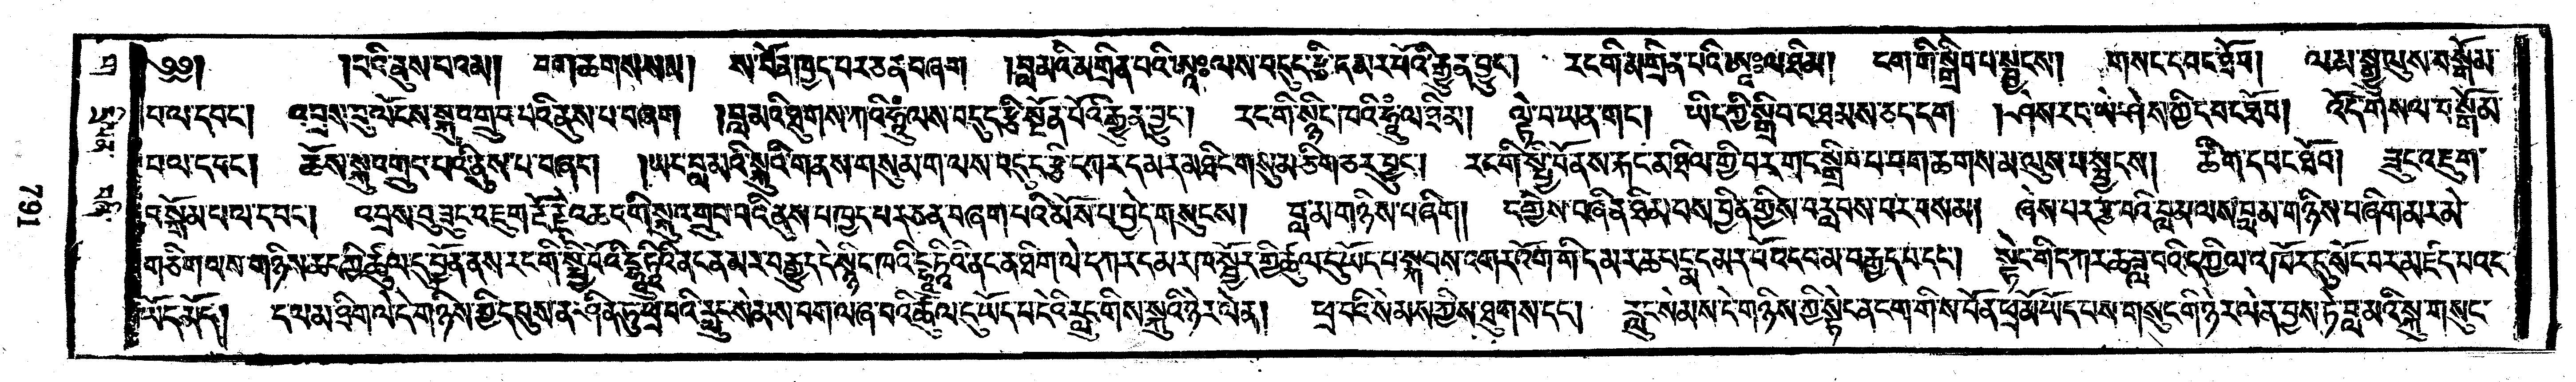༄༅། །པའི་ནུས་པའམ། བག་ཆགས་སམ། ས་བོན་ཁྱད་པར་ཅན་བཞག །བླ་མའི་མགྲིན་པའི་ཨཱཿལས་བདུད་རྩི་དམར་པོའི་རྒྱུན་བྱུང་། རང་གི་མགྲིན་པའི་ཨཱཿལ་ཐིམ། ངག་གི་སྒྲིབ་པ་སྦྱངས། གསང་དབང་ཐོབ། ལམ་སྒྱུ་ལུས་བསྒོམ་
པ་ལ་དབང་། འབྲས་བུ་ལོངས་སྐུ་འགྲུབ་པའི་ནུས་པ་བཞག །བླ་མའི་ཐུགས་ཀའི་ཧཱུཾ་ལས་བདུད་རྩི་སྔོན་པོའི་རྒྱུན་བྱུང་། རང་གི་སྙིང་ཁའི་ཧཱུཾ་ལ་ཐིམ། ལྟེ་བ་ཡན་གང་། ཡིད་ཀྱི་སྒྲིབ་པ་ཐམས་ཅད་དག །ཤེས་རབ་ཡེ་ཤེས་ཀྱི་དབང་ཐོབ། འོད་གསལ་བ་སྒོམ་
པ་ལ་དབང་། ཆོས་སྐུ་འགྲུབ་པའི་ནུས་པ་བཞང་། །ཡང་བླ་མའི་སྐུའི་གནས་གསུམ་ག་ལས་བདུད་རྩི་དཀར་དམར་མཐིང་གསུམ་ཅིག་ཅར་བྱུང་། རང་གི་སྤྱི་བོ་ནས་རྐང་མཐིལ་གྱི་བར་གང་སྒྲིབ་པ་བག་ཆགས་མ་ལུས་པ་སྦྱངས། ཚིག་དབང་ཐོབ། ཟུང་འཇུག་
བསྒོམ་པ་ལ་དབང་། འབྲས་བུ་ཟུང་འཇུག་རྡོ་རྗེ་འཆང་འགི་སྐུ་འགྲུབ་པའི་ནུས་པ་ཁྱད་པར་ཅན་བཞག་པའི་མོས་པ་བྱེད་གསུངས། བླ་མ་གཉིས་པ་ཞིག། དགྱེས་བཞིན་ཐིམ་པས་བྱིན་གྱིས་བརླབས་པར་བསམ། ཞེས་པར་རྩ་བའི་བླ་མ་ལས་བླ་མ་གཉིས་པ་ཞིག་མར་མེ་
གཅིག་ལས་གཉིས་ཆང་ཀྱི་ཚུལ་དུ་བྱོན་ནས་རང་གི་སྤྱི་བོའི་དྷཱུཏཱིའི་ནང་ན་མར་བརྒྱུད་དེ་སྙིང་ཁའི་དྷཱུཏཱིའི་ནང་ན་ཐིག་ལེ་དཀར་དམར་ཁ་སྦྱོར་གྱི་ཚུལ་དུ་ཡོད་པ་སྐབས་འགར་འོག་གི་དམར་ཆ་པདམ་དམར་པོ་འདབ་མ་བརྒྱད་པ་དང་། སྟེང་གི་དཀར་ཆ་ཟླ་བའི་དཀྱིལ་འཁོར་དུ་སོང་བར་མཛད་པའང་
ཡོད་མོད། ད་ལམ་ཐིག་ལེ་དེ་གཉིས་ཀྱི་དབུས་ན་ཤིན་ཏུ་ཕྲ་བའི་རླུང་སེམས་བག་ལ་ཞ་བའི་ཚུལ་དུ་ཡོད་པ་དེའི་རླུང་གིས་སྐུའི་ཉེར་ལེན། ཕྲ་བའི་སེམས་ཀྱིས་ཐུགས་དང་། རླུང་སེམས་དེ་གཉིས་ཀྱི་སྟེང་ན་ངག་གི་ས་བོན་ཕྲ་མོ་ཡོད་པས་གསུང་གི་ཉེར་ལེན་བྱས་ཏེ་བླ་མའི་སྐུ་གསུང་